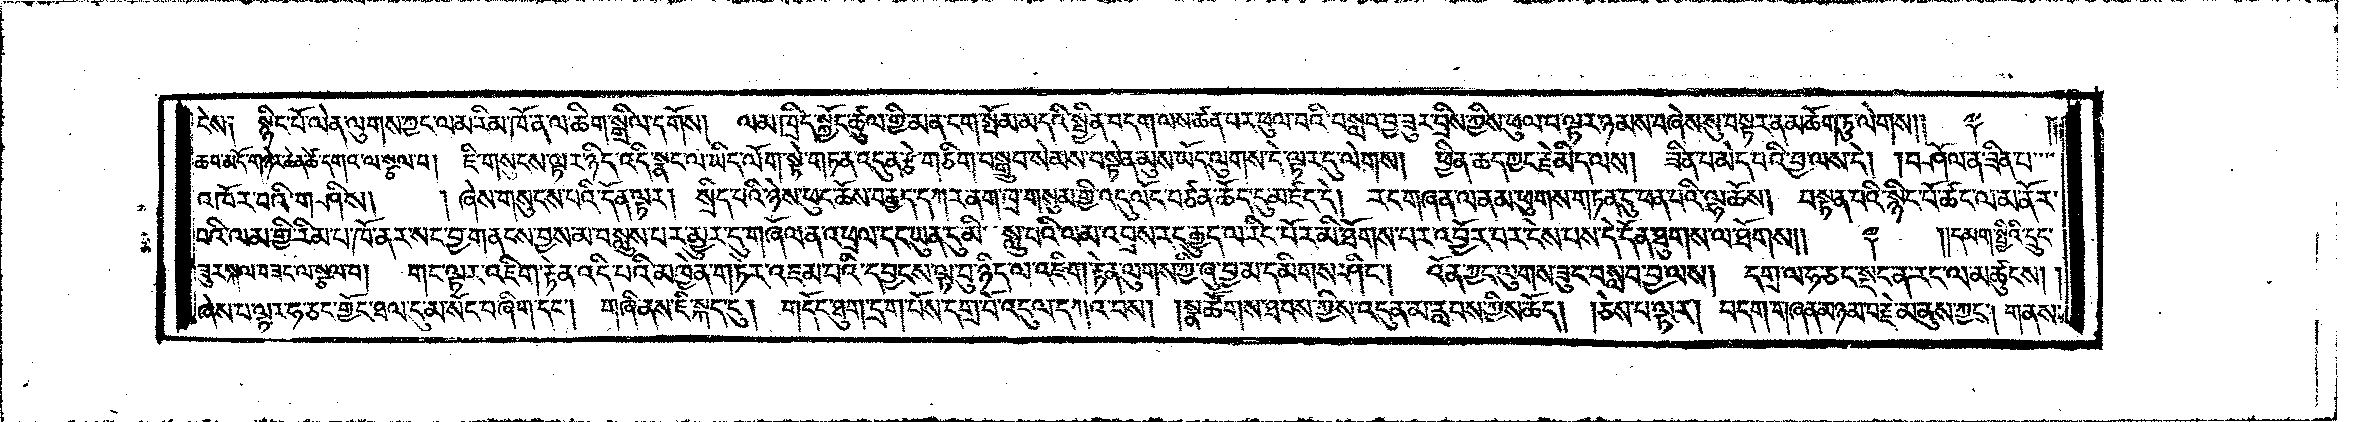ངེས༑ སྙིང་པོ་ལེན་ལུགས་ཀྱང་ལམ་རིམ་ཁོ་ན་ལ་ཆིག་སྒྲིལ་དགོས། ལམ་ཁྲིད་སྐྱོང་ཚུལ་གྱི་མན་ངག་སྤོམ་མདའི་སྦྱིན་བདག་ལས་ཚན་པར་ཕུལ་བའི་བསླབ་བྱ་ཟུར་བྲིས་ཀྱིས་ཕུལ་བ་ལྟར་ཉམས་བཞེས་སུ་བསྟར་ན་མཆོག་ཏུ་ལེགས།། ༈ །།
ཆབ་མདོ་གཉེར་ཆེན་ཚེ་དགའ་ལ་སྩལ་བ།  ཇི་གསུངས་ལྟར་ཉིད་འདི་སྣང་ལ་ཡིད་ལོག་སྟེ་གཏན་འདུན་རྩེ་གཅིག་བསྒྲུབ་སེམས་བསྟེན་མུས་ཡོད་ལུགས་དེ་ལྟར་དུ་ལེགས། ཕྱིན་ཆད་ཀྱང་རྗེ་མིད་ལས། ཟིན་པ་མེད་པའི་བྱ་ལས་དེ། །བཤོལ་ན་ཟིན་པ་
འཁོར་བའི་གཤིས། །ཞེས་གསུངས་པའི་དོན་ལྟར། སྲིད་པའི་ཉེས་ཕུང་ཆོས་བརྒྱད་དཀར་ནག་ཁྲ་གསུམ་གྱི་འདུ་ལོང་བཙན་ཆོད་དུ་མཛད་དེ། རང་གཞན་ལན་མ་ཕུགས་གཏན་དུ་ཕན་པའི་ལྷ་ཆོས། བསྟན་པའི་སྙིང་པོ་ཚང་ལམ་ནོར་
བའི་ལམ་གྱི་རིམ་པ་ཁོ་ནར་སང་བྱ་གནངས་བྱས་མ་བསླུས་པར་མྱུར་དུ་གཞོལ་ན་འཕྲལ་དང་ཡུན་དུ་མི་སླུ་བའི་ལམ་འབྲས་རང་རྒྱུད་ལ་རིང་པོར་མི་ཐོགས་པར་འབྱོར་བར་ངེས་པས་དེ་དོན་ཐུགས་ལ་ཐོགས།། ༈ །།དམག་སྤྱིའི་དྲུང་
ཟུར་སྐལ་བཟང་ལ་སྩལ་བ། གང་ལྟར་འཇིག་རྟེན་འདི་པའི་མཁྱེན་གཏེར་འཇམ་པའི་དབྱངས་ལྟ་བུ་ཉིད་ལ་འཇིག་རྟེན་ལུགས་ཀྱི་ཞུ་བྱ་མ་དམིགས་ཤིང་། འོན་ཀྱང་ལུགས་ཟུང་བསླབ་བྱ་ལས། དགྲ་ལ་ཧ་ཅང་སྡང་ན་རང་ལ་མཚུངས། །
ཞེས་པ་ལྟར་ཧ་ཅང་གྱོང་ཐལ་དུ་མ་སོང་བ་ཞིག་དང་། གཞི་ནས་ཇི་སྐད་དུ། གདོང་ཐུག་དྲག་པོས་དགྲ་བོ་འདུལ་དཀའ་བས། །སྣ་ཚོགས་ཐབས་ཀྱིས་འདུན་མ་རླབས་ཀྱིས་ཆོད། །ཅེས་པ་ལྟར། བདག་གཞན་མཉམ་པ་རྗེ་མ་ནུས་ཀྱང་། གནས་